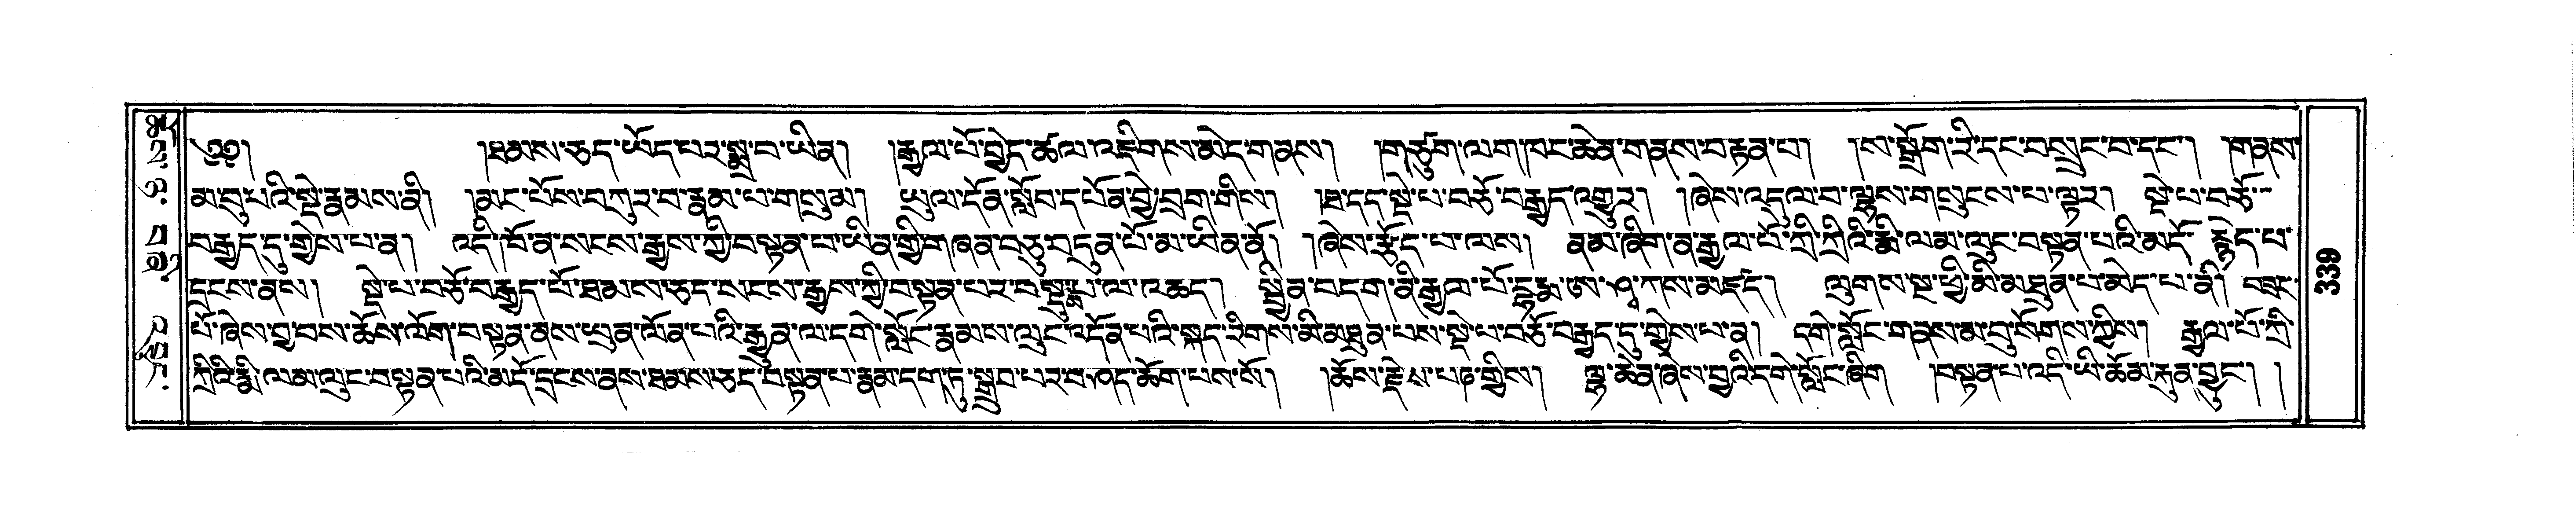༄༅། །ཐམས་ཅད་ཡོད་པར་སྨྲ་བ་ཡིན། །རྒྱལ་པོ་བྱེད་ཚལ་འཇིགས་མེད་གནས། །གཙུག་ལག་ཁང་ཆེན་གནས་བརྟན་པ། །ས་སྒྲོག་རི་དང་བསྲུང་བ་དང་། །གནས་
མ་བུ་པའི་སྡེ་རྣམས་ནི། །མང་པོས་བཀུར་བ་རྣམ་པ་གསུམ། ཡུལ་དོན་སློབ་དཔོན་བྱེ་བྲག་གིས། །ཐ་དད་སྡེ་པ་བཅོ་བརྒྱད་འགྱུར། །ཞེས་འདུལ་བ་ལྷས་གསུངས་པ་ལྟར། སྡེ་པ་བཅོ་
བརྒྱད་དུ་གྱེས་པ་ན། འདི་ཁོ་ན་སངས་རྒྱས་ཀྱི་བསྟན་པ་ཡིན་གྱི་གཞན་བཅུ་བདུན་པོ་མ་ཡིན་ནོ། །ཞེས་རྩོད་པ་ལས། ནམ་ཞིག་ན་རྒྱལ་པོ་ཀྲི་ཀྲིའི་རྨི་ལམ་ལུང་བསྟན་པའི་མདོ་རྙེད་པ་
དྲངས་ནས། སྡེ་པ་བཅོ་བརྒྱད་པོ་ཐམས་ཅད་སངས་རྒྱད་ཀྱི་བསྟན་པར་བསྡུས་པ་ལ་འཆད། སྦྱིན་བདག་ནི་རྒྱལ་པོ་དྷརྨ་ཨ་ཤྭ་ཀས་མཛད། ལུགས་སྔ་ཕྱི་མི་མཐུན་པ་མེད་པ་ནི། བཟང་
པོ་ཞེས་བྱ་བས་ཆོས་ལོག་བསྟན་ནས་ཡུན་ལོན་པའི་རྒྱུན་ལ་དགེ་སློང་རྣམས་ལུང་འདོན་པའི་སྐད་རིགས་མི་མཐུན་པས་སྡེ་པ་བཅོ་བརྒྱད་དུ་གྱེས་པ་ན། དགེ་སློང་གནས་མ་བུ་སོགས་ཀྱིས། རྒྱལ་པོ་ཀྲི་
ཀྲིའི་རྨི་ལམ་ལུང་བསྟན་པའི་མདོ་དྲངས་ནས་ཐམས་ཅད་བསྟན་པ་རྣམ་དག་ཏུ་སྒྲུབ་པར་བཤད་ཆོག་པས་སོ། །ཆོས་རྗེས་པཎ་གྱིས། ལྷ་ཆེན་ཞེས་བྱའི་དགེ་སློང་ཞིག །བསྟན་པ་འདི་ཡི་ཆོམ་རྐུན་བྱུང་། །